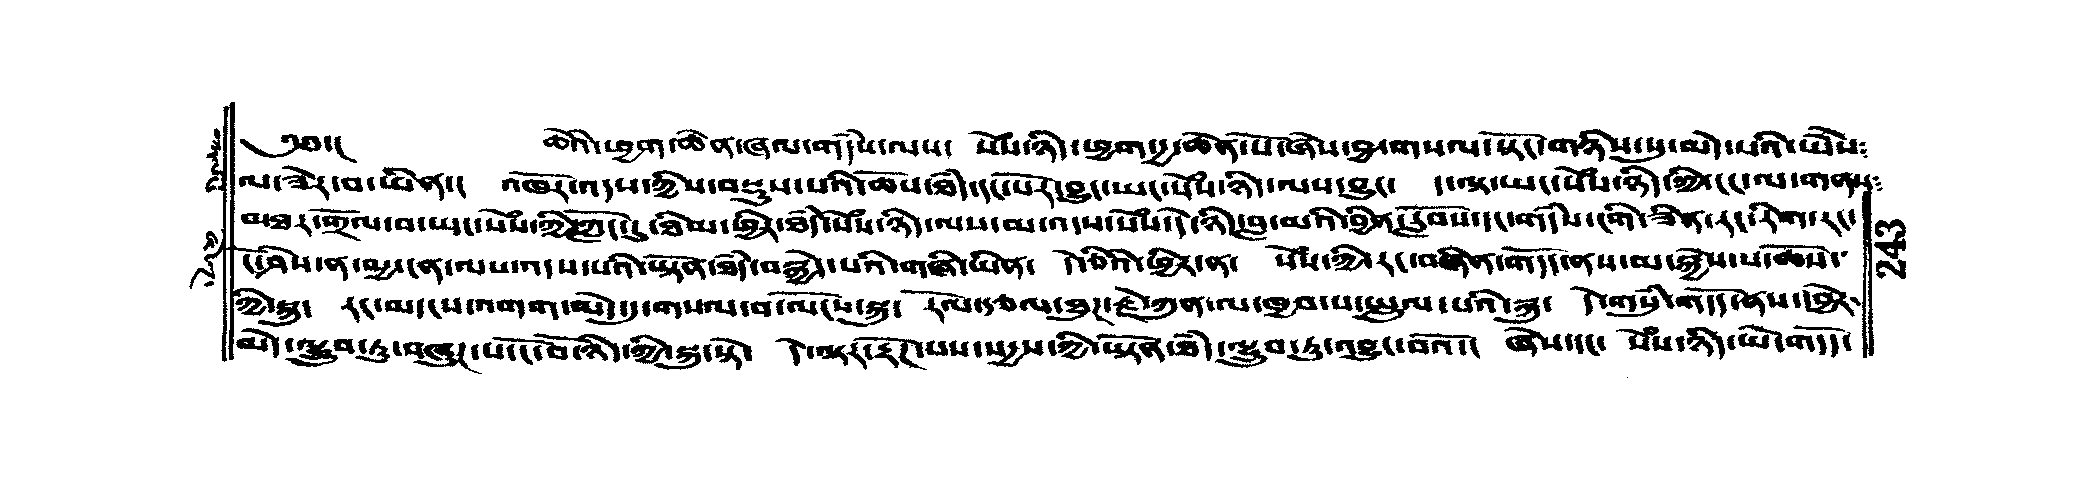ཆེའི་ཕྱག་ཆེན་ཞལ་གདམས་ལས། སེམས་ཉིད་ཕྱག་རྒྱ་ཆེན་པོ་ཞེས་བྱ་བ་གསལ་སྟོང་གཉིས་སུ་མེད་པའི་ཡེ་ཤེས་
ལ་ཟེར་བ་ཡིན། འཁོར་འདས་ཀྱིས་བསྡུས་པའི་ཆོས་ཐམས་ཅད་དང་པོར་བྱུང་ཡང་སེམས་ཉིད་ལས་བྱུང་། ད་ལྟ་ཡང་སེམས་ཉིད་ཀྱི་ངང་ལ་གནས། 
མཐར་གྲོལ་བ་ཡང་སེམས་ཀྱི་ཀློང་དུ་ཐིམ་ཕྱིར་ཐམས་ཅད་སེམས་ཉིད་ལས་མ་འདས་སེམས་དེ་ཉིད་བླ་མའི་བྱིན་རླབས་དང་གདམས་ངག་གི་ཟིན་རང་རིག་རང་
ངོ་ཤེས་ན་མྱ་ངན་ལས་འདས་པའི་ཡོན་ཏན་ཐམས་ཅད་བསྐྱེད་པའི་གཞི་ཡིན། དེ་ཅིའི་ཕྱིར་ན། སེམས་ཀྱི་རང་བཞིན་གདོད་ནས་མ་སྐྱེས་པ་ཆོས་
ཀྱི་སྐུ། རང་མདངས་འགག་མེད་དུ་གསལ་བ་ལོངས་སྐུ། རོལ་རྩལ་ཐུགས་རྗེ་ཀུན་ལ་ཁྱབ་པ་སྤྲུལ་པའི་སྐུ། དེ་གསུམ་གདོད་ནས་དབྱེར་
མེད་ལྷུན་གྲུབ་ཏུ་བཞུགས་པ་ངོ་བོ་ཉིད་ཀྱི་སྐུ་སྟེ། དེ་ལྟར་རྟོགས་པས་སངས་རྒྱས་ཀྱི་ཡོན་ཏན་ཐམས་ཅད་ལྷུན་གྲུབ་ཏུ་འབྱུང་བའོ། ཞེས་དང་། སེམས་ཉིད་ཡེ་གདོད་